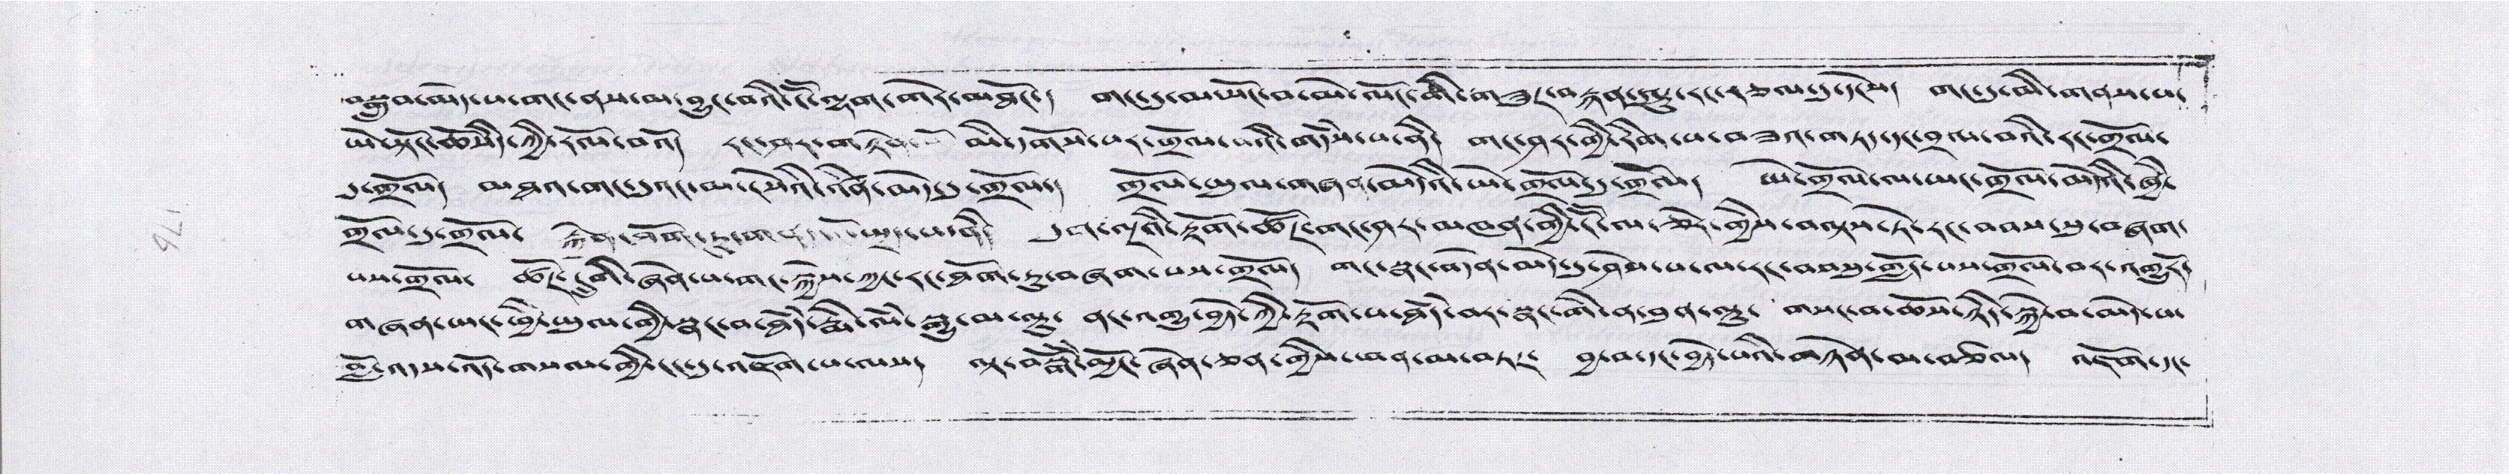སྒྲུབ་མེད་པ་གང་ནས་མ་བྱུང་བའི་ངོ་བོ་ལྷག་གིས་མཐོང་། གང་དུ་མ་སོང་བ་མེ་ལོང་གི་གཟུགས་བརྙན་ལྟ་བུ་རང་རྩལ་དུ་དེངས། གང་དུ་མི་གནས་པ་
ཡེ་སྟོང་ཆོས་ཉིད་ཀྱི་རོལ་པའོ། རང་སར་གཉེན་པོ་མི་དགོས་པར་གྲོལ་བའི་གདམས་པ་ནི། གང་ཤར་གྱི་རིག་པ་གཟའ་གཏད་དང་བྲལ་བའི་རང་གྲོལ་
དུ་གྲོལ། མཐའ་གང་དུ་ཡང་མ་ངེས་པའི་འཛིན་མེད་དུ་གྲོལ། གྲོལ་ཡུལ་གཞན་མེད་པའི་ཡེ་གྲོལ་དུ་གྲོལ། ཡེ་གྲོལ་ལ་ཡང་གྲོལ་མེད་པས་གཞི་
གྲོལ་དུ་གྲོལ། རྐྱེན་ཐོག་ཏུ་གནད་ངོ་སྤྲད་པ་ནི། དུག་ལྔའི་རྟོག་ཚོགས་གང་ཤར་མཁན་གྱི་ངོ་བོ་ལ་ཅེར་གྱིས་བལྟས་ཏེ་རང་བབས་སུ་བཞག་
པས་གྲོལ། ཚོགས་དྲུག་གི་ཞེན་པ་གང་སྐྱེས་ཀྱང་རང་ཐོག་ཏུ་བཞག་པས་གྲོལ། གང་སྣང་བདེན་མེད་དུ་ཤེས་པ་ལ་རང་བབས་སུ་གློད་པས་གྲོལ་བར་འགྱུར་རོ། 
གཞན་ཡང་ཕྱི་ཡུལ་གྱི་སྣང་བ་ཐམས་ཅད་རྨི་ལམ་སྒྱུ་མ་ལྟ་བུ། ནང་འགྱུ་བྱེད་ཀྱི་རྟོག་པ་ཐམས་ཅད་བར་སྣང་གི་ན་བུན་ལྟ་བུ། གསང་བ་ཆོས་ཉིད་སྐྱེ་བ་མེད་པ་
བློ་འདས་འོད་གསལ་གྱི་ངང་དུ་འཇོག་པ་ལས། ལྟ་སྒོམ་མྱོང་ཞེན་ཅན་གྱིས་ཕན་མ་བཏགས། བྱ་བ་དང་བྱེད་པའི་གཉེན་མ་བཙལ། འཇོག་དང་